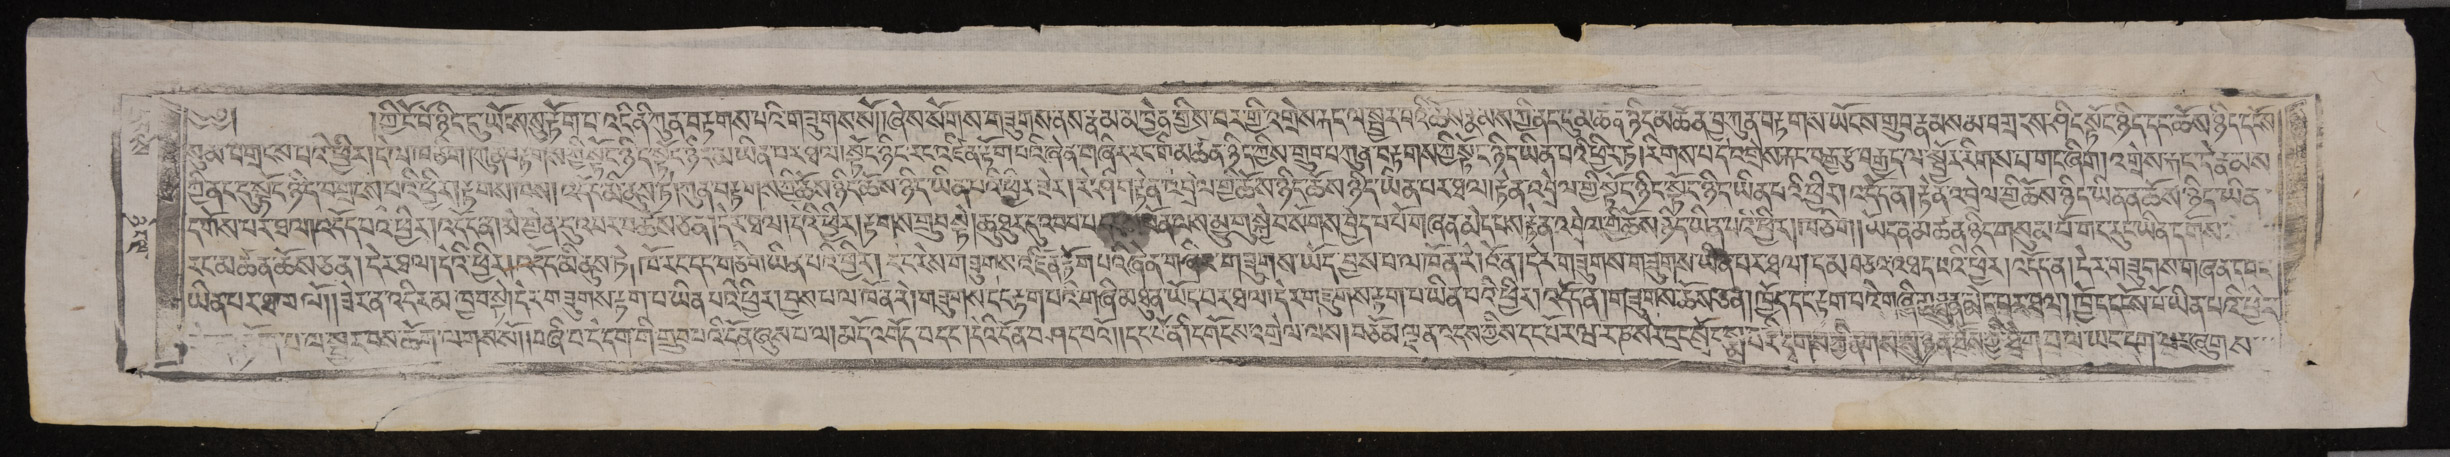༄༅། །ཀྱི་ངོ་བོ་ཉིད་དུ་ཡོངས་སུ་རྟོག་པ་འདི་ནི་ཀུན་བརྟགས་པའི་གཟུགས་སོ། །ཞེས་སོགས་གཟུགས་ནས་རྣམ་མཁྱེན་གྱིས་བར་གྱི་འགྲེས་རྐང་ལ་སྦྱར་བའི་ཆོས་རྣམས་ཀྱི་ནང་དུ་མཚན་ཉིད་མཚོན་བྱ་ཀུན་བརྟགས་ཡོངས་གྲུབ་རྣམས་མ་བགྲངས་ཤིང་སྟོང་ཉིད་དང་ཆོས་ཉིད་དངོས་
སུ་མ་བགྲངས་པའི་ཕྱིར། དེ་ལ་ཁ་ཅིག །ཀུན་བརྟགས་ཀྱི་སྟོང་ཉིད་སྟོང་ཉིད་མ་ཡིན་པར་ཐལ། སྟོང་ཉིད་རང་འཛིན་རྟོག་པའི་ཞེན་གཞིར་རང་གི་མཚན་ཉིད་ཀྱིས་གྲུབ་པ་ཀུན་བརྟགས་ཀྱི་སྟོང་ཉིད་ཡིན་པའི་ཕྱིར་ཏེ། རིགས་པ་དེ་འགྲེས་རྐང་བརྒྱ་རྩ་བརྒྱད་ལ་སྦྱོར་རིགས་པ་གང་ཞིག །འགྲེས་རྐང་དེ་རྣམས་
ཀྱི་ནང་དུ་སྟོང་ཉིད་བགྲངས་པའི་ཕྱིར། རྟགས་ཁས། འདོད་མི་ནུས་ཏེ། ཀུན་བརྟགས་ཀྱི་ཆོས་ཉིད་ཆོས་ཉིད་ཡིན་པའི་ཕྱིར་ཟེར། རེ་ཤིག་རྟེན་འབྲེལ་གྱི་ཆོས་ཉིད་ཆོས་ཉིད་ཡིན་པར་ཐལ། རྟེན་འབྲེལ་གྱི་སྟོང་ཉིད་སྟོང་ཉིད་ཡིན་པའི་ཕྱིར། འདོད་ན། རྟེན་འབྲེལ་གྱི་ཆོས་ཉིད་ཡིན་ན་ཆོས་ཉིད་ཡིན་
དགོས་པར་ཐལ། འདོད་པའི་ཕྱིར། འདོད་ན། མེ་གྱེན་དུ་འབར་བ་ཆོས་ཅན། དེར་ཐལ། དེའི་ཕྱིར། རྟགས་གྲུབ་སྟེ། ཆུ་ཐུར་དུ་འབབ་པ་དང་ས་བོན་ལས་མྱུ་གུ་སྐྱེ་བ་སོགས་བྱེད་པ་པོ་གཞན་མེད་པས་རྟེན་འབྲེལ་གྱི་ཆོས་ཉིད་ཡིན་པའི་ཕྱིར། ཁ་ཅིག །ཡོད་ན་མཚན་ཉིད་གསུམ་པོ་གང་རུང་ཡིན་དགོས་ཟེར་ན།
རང་མཚན་ཆོས་ཅན། དེར་ཐལ། དེའི་ཕྱིར། འདོད་མི་ནུས་ཏེ། ཁོ་རང་དང་གཅིག་ཡིན་པའི་ཕྱིར། རང་རེས་གཟུགས་འཛིན་རྟོག་པའི་ཞེན་གཞིར་གཟུགས་ཡོད་བྱས་པ་ལ་ཁོ་ན་རེ། འོ་ན། དེར་གཟུགས་གཟུགས་ཡིན་པར་ཐལ། དམ་བཅའ་འཐད་པའི་ཕྱིར། འདོད་ན། དེར་གཟུགས་གཞན་དབང་
ཡིན་པར་ཐལ་ལོ། །ཟེར་ན་འདིར་མ་ཁྱབ་སྟེ། དེར་གཟུགས་རྟག་པ་ཡིན་པའི་ཕྱིར། བྱས་པ་ལ་ཁོ་ན་རེ། གཟུགས་དང་རྟག་པའི་གཞི་མཐུན་ཡོད་པར་ཐལ། དེར་གཟུགས་རྟག་པ་ཡིན་པའི་ཕྱིར། འདོད་ན། གཟུགས་ཆོས་ཅན། ཁྱོད་དང་རྟག་པའི་གཞི་མཐུན་མེད་པར་ཐལ། ཁྱོད་དངོས་པོ་ཡིན་པའི་ཕྱིར་
ཟེར་ན། རྟོག་པ་ལ་སྦྱར་བས་ཆོག་ལགས་སོ། །བཞི་པ་དེ་དག་གི་གྲུབ་པའི་དོན་ཞུས་པ་ལ། མདོ་འགོད་པ་དང་། དེའི་དོན་བཤད་པའོ། །དང་པོ་ནི། དགོངས་འགྲེལ་ལས། བཅོམ་ལྡན་འདས་ཀྱིས་དང་པོར་ལྦ་ར་ཎ་སེར་དྲང་སྲོང་སྨྲ་བ་རི་དགས་ཀྱི་ནགས་སུ་ཉན་ཐོས་ཀྱི་ཐེག་པ་ལ་ཡང་དག་པར་ཞུགས་